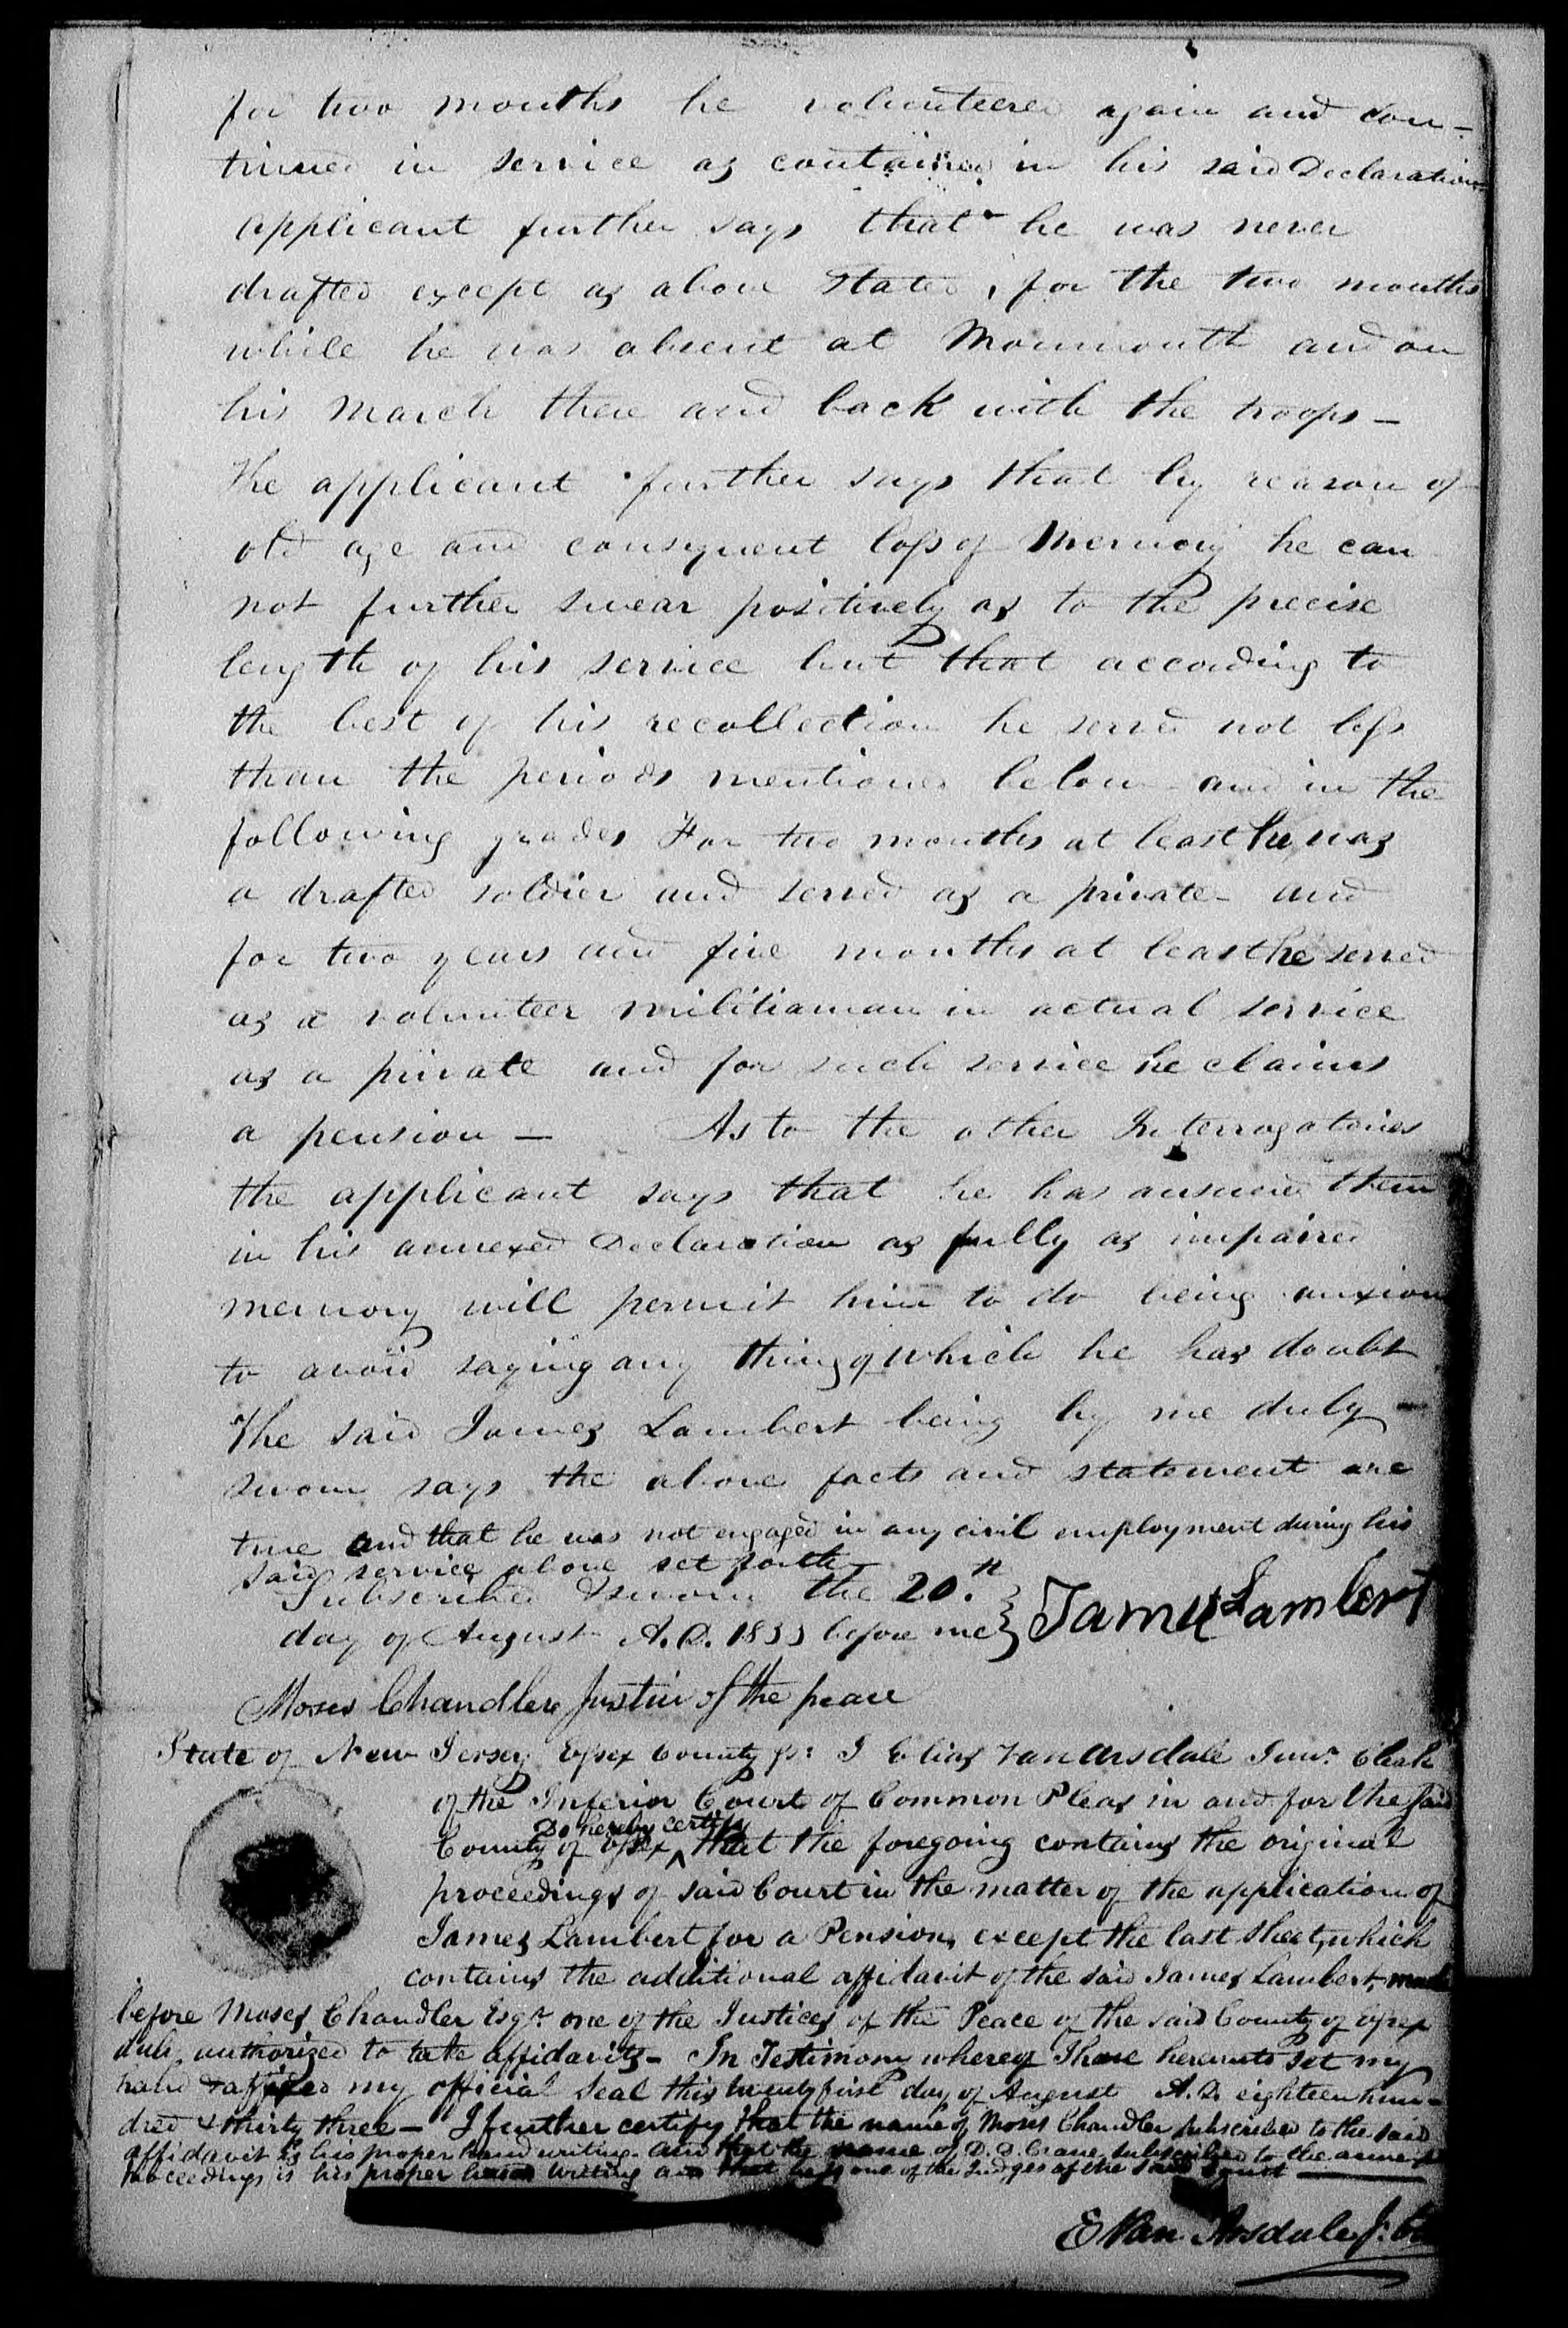for two months he volunteered again and continued in service as contained in his said Declaration. Applicant further says that he was never drafted except as above stated, for the two months while he was absent at Monmouth and on his march there and back with the troops - The applicant further says that by reason of old age and consequent loss of memory he cannot further swear positively as to the precise length of his service but that according to the best of his recollection he served not less than the periods mentioned below and in the following grades For two months at least he was a drafted soldier and served as a private - and for two years and five months at least he served as a volunteer militiaman in actual service as a private and for such service he claims a pension-
As to the other Interrogatories the applicant says that he has answered them in his annexed Declaration as fully as impaired memory will permit him to do being anxious to avoid saying any thing of which he has doubt.
The said James Lambert being by me duly
sworn says the above facts and statement are
true and that he was not engaged in any civil employment during his said service above set forth
James Lambert
Subscribed & sworn the 20th day of August A.D. 1831 before me 
Moses Chandler Justice of the peace
State of New Jersey, Essex County ss: I Elias Van Arsdale Jun. Clerk of the Inferior Court of Common Pleas in and for the said County do hereby certify that the foregoing contains the original proceedings of said Court in the matter of the application of James Lambert for a Pension, except the last sheet, which
contains the additional affidavit of the said James Lambert, before Moses Chandler Esqr one of the Justices of the Peace of the said County of Essex duly authorized to take affidavits. In Testimony whereof I have hereunto set my hand & affixed my official seal this twenty first day of August A.D. eighteen hundred & thirty three - I further certify that the name of Moses Chandler subscribed to the said affidavit is his proper hand writing and that the name of D.S. Crane, subscribed to the said proceedings is his proper hand writing and that he is one of the Judges of the said Court
E Van Arsdale J C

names: James Lambert; Elias Van Arsdale; Moses Chandler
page: 14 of 49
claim: widow's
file: W. 859, for James Lambert, New Jersey